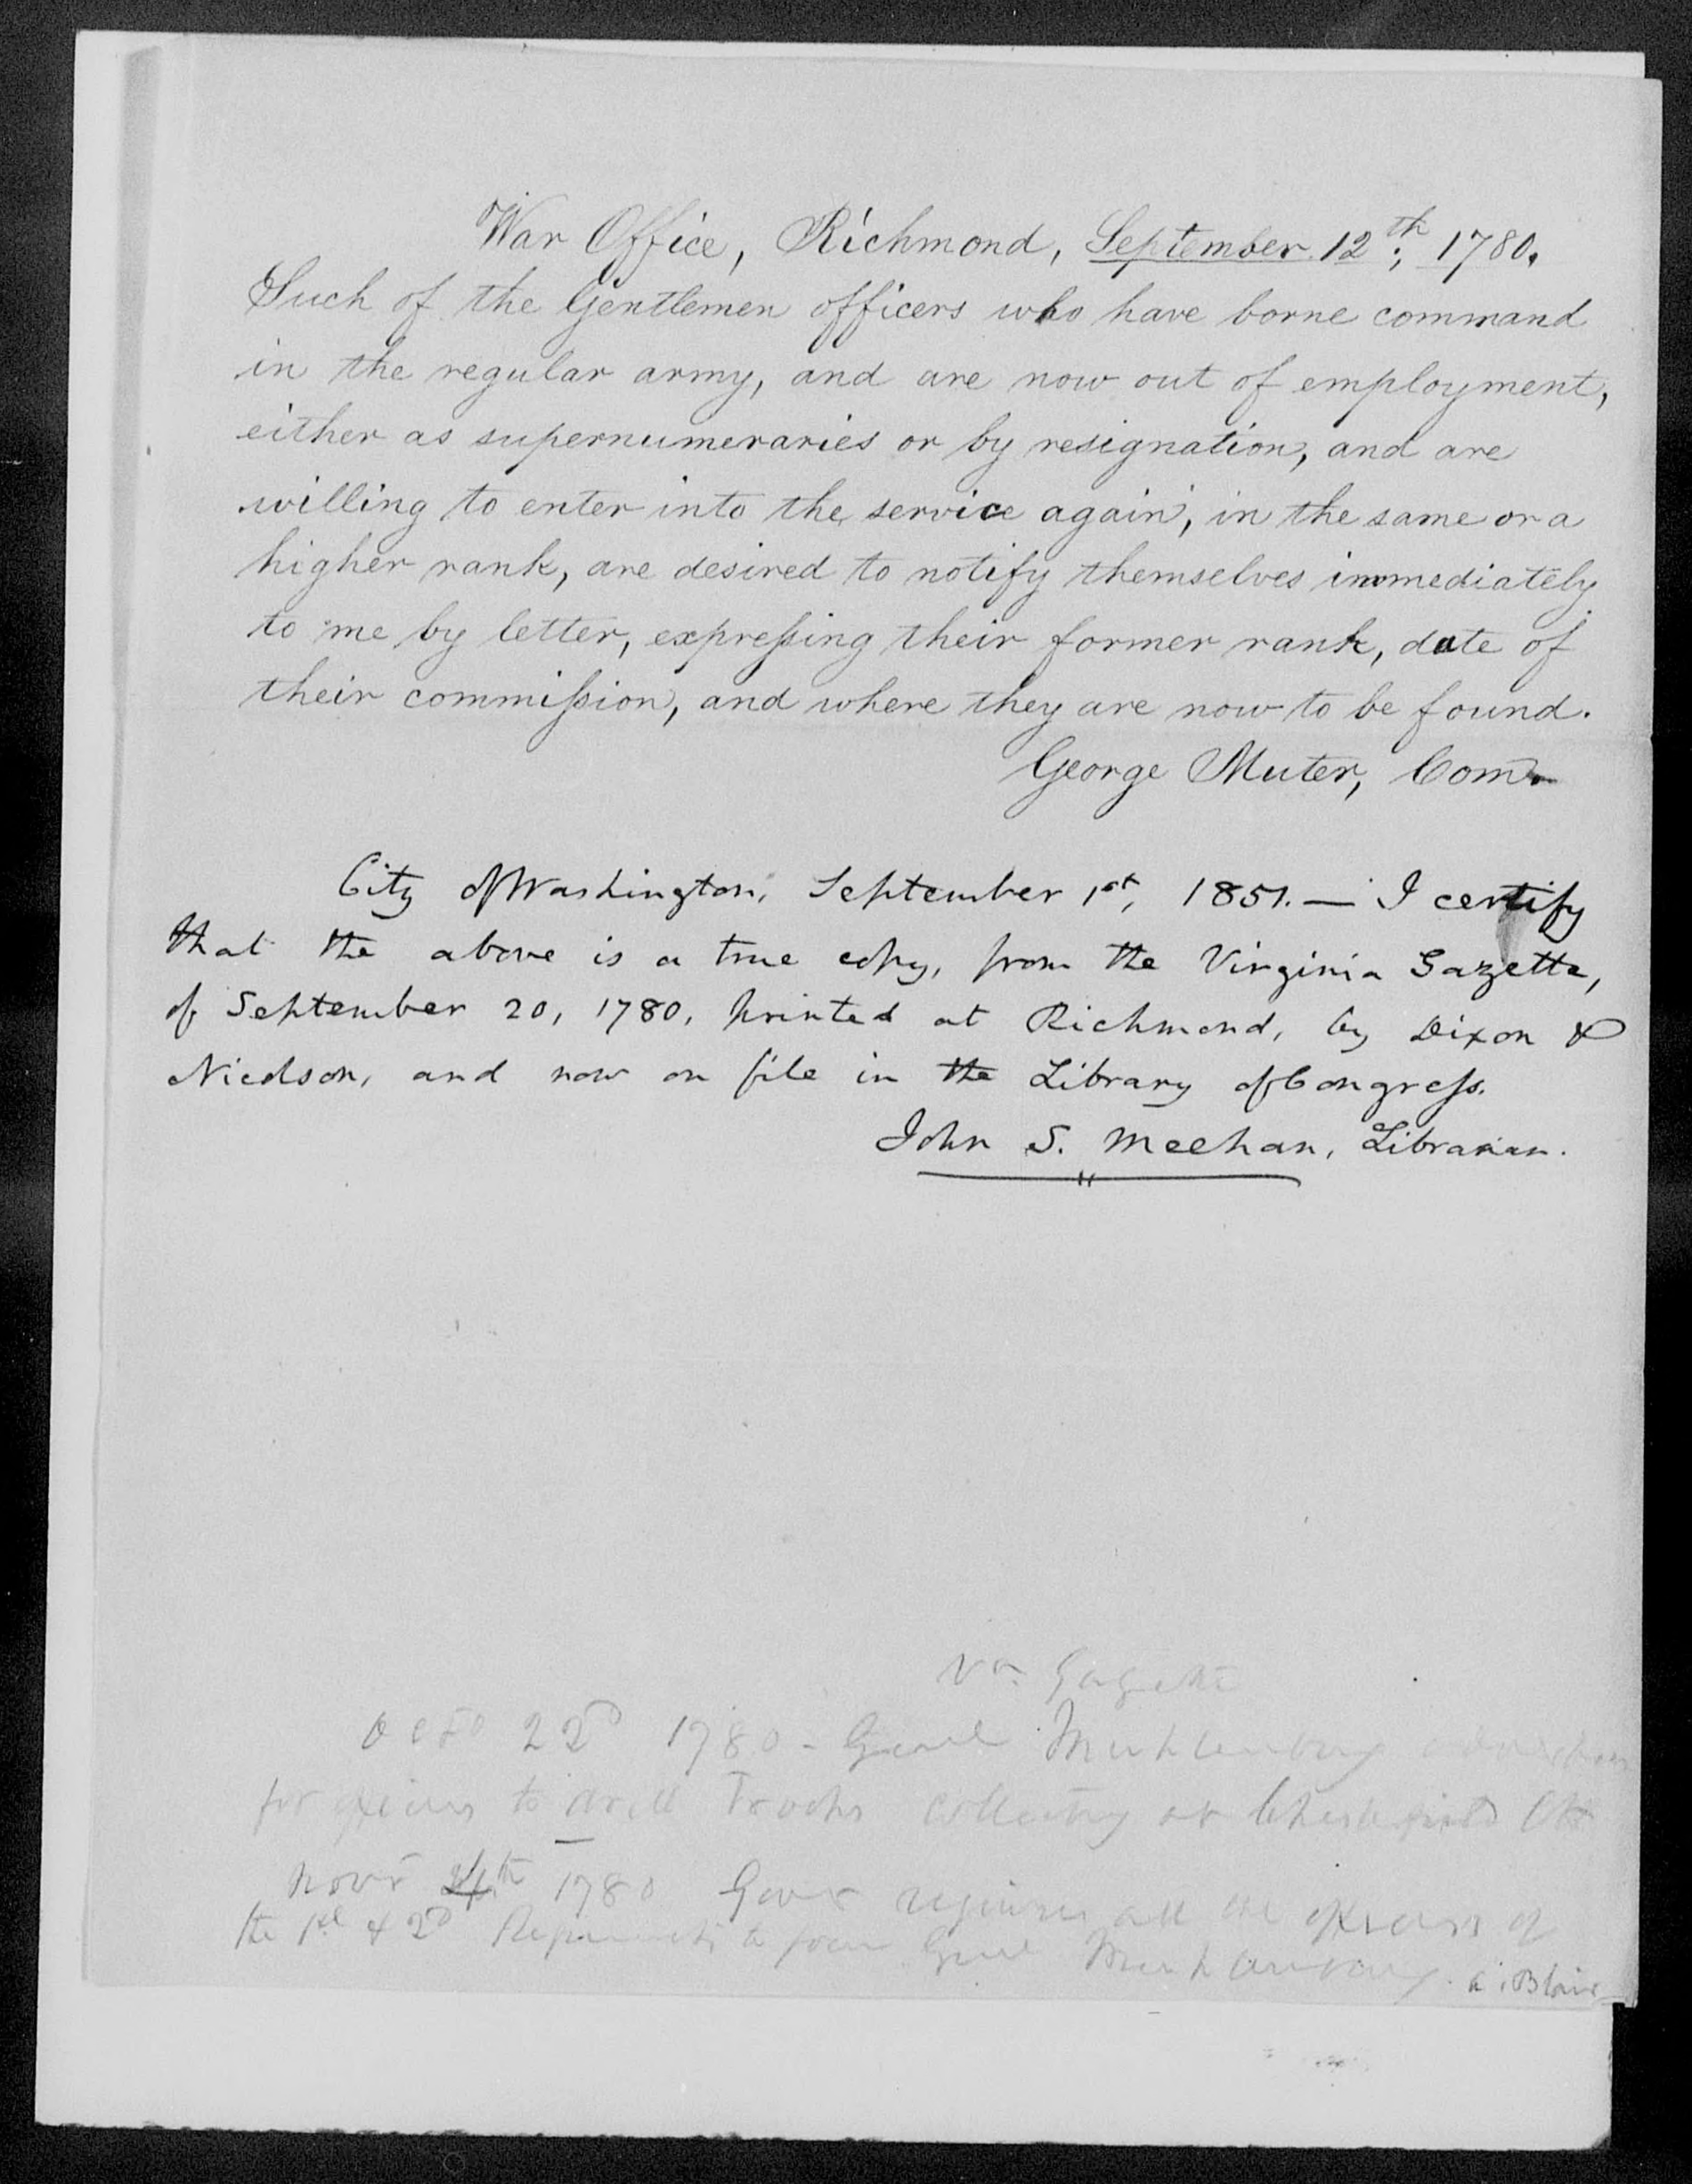War Office, Richmond, September 12th; 1780
Such of the Gentlemen officers who have born command in the regular army, and are now out of employment, either as supernumeraries or by  resignation, and are willing to enter into the service again, in the same or a higher rank, are desired to notify themselves immediately to me by letter, expressing their former rank, date of their commission, and where they are now to be  found.
George Muter, Com.


City of Washington;  September 1st, 1851. ____ I certify that the above is a true copy, from the Virginia Gazette, of September 20, 1780, printed at Richmond, by Dixon +[and] Nicolson, and now on file in the Library of Congress.
John S. Meehan, Librarian.


Va. Gazette
Octr. 22d 1780  -  Genrl. Muhlenburg advising for officers to drill Troops collecting at Chesterfield VA

November 4th 1780   Genl requires all officers of the 1st +[and] 2nd Regiments to to form. Genl  Muhlenburg . h i Blair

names: Dixon, John S Meehan, George Muter, Muhlenberg, Nielson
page: 141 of 267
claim: widow's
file: W. 4,149, William Campbell, Va.